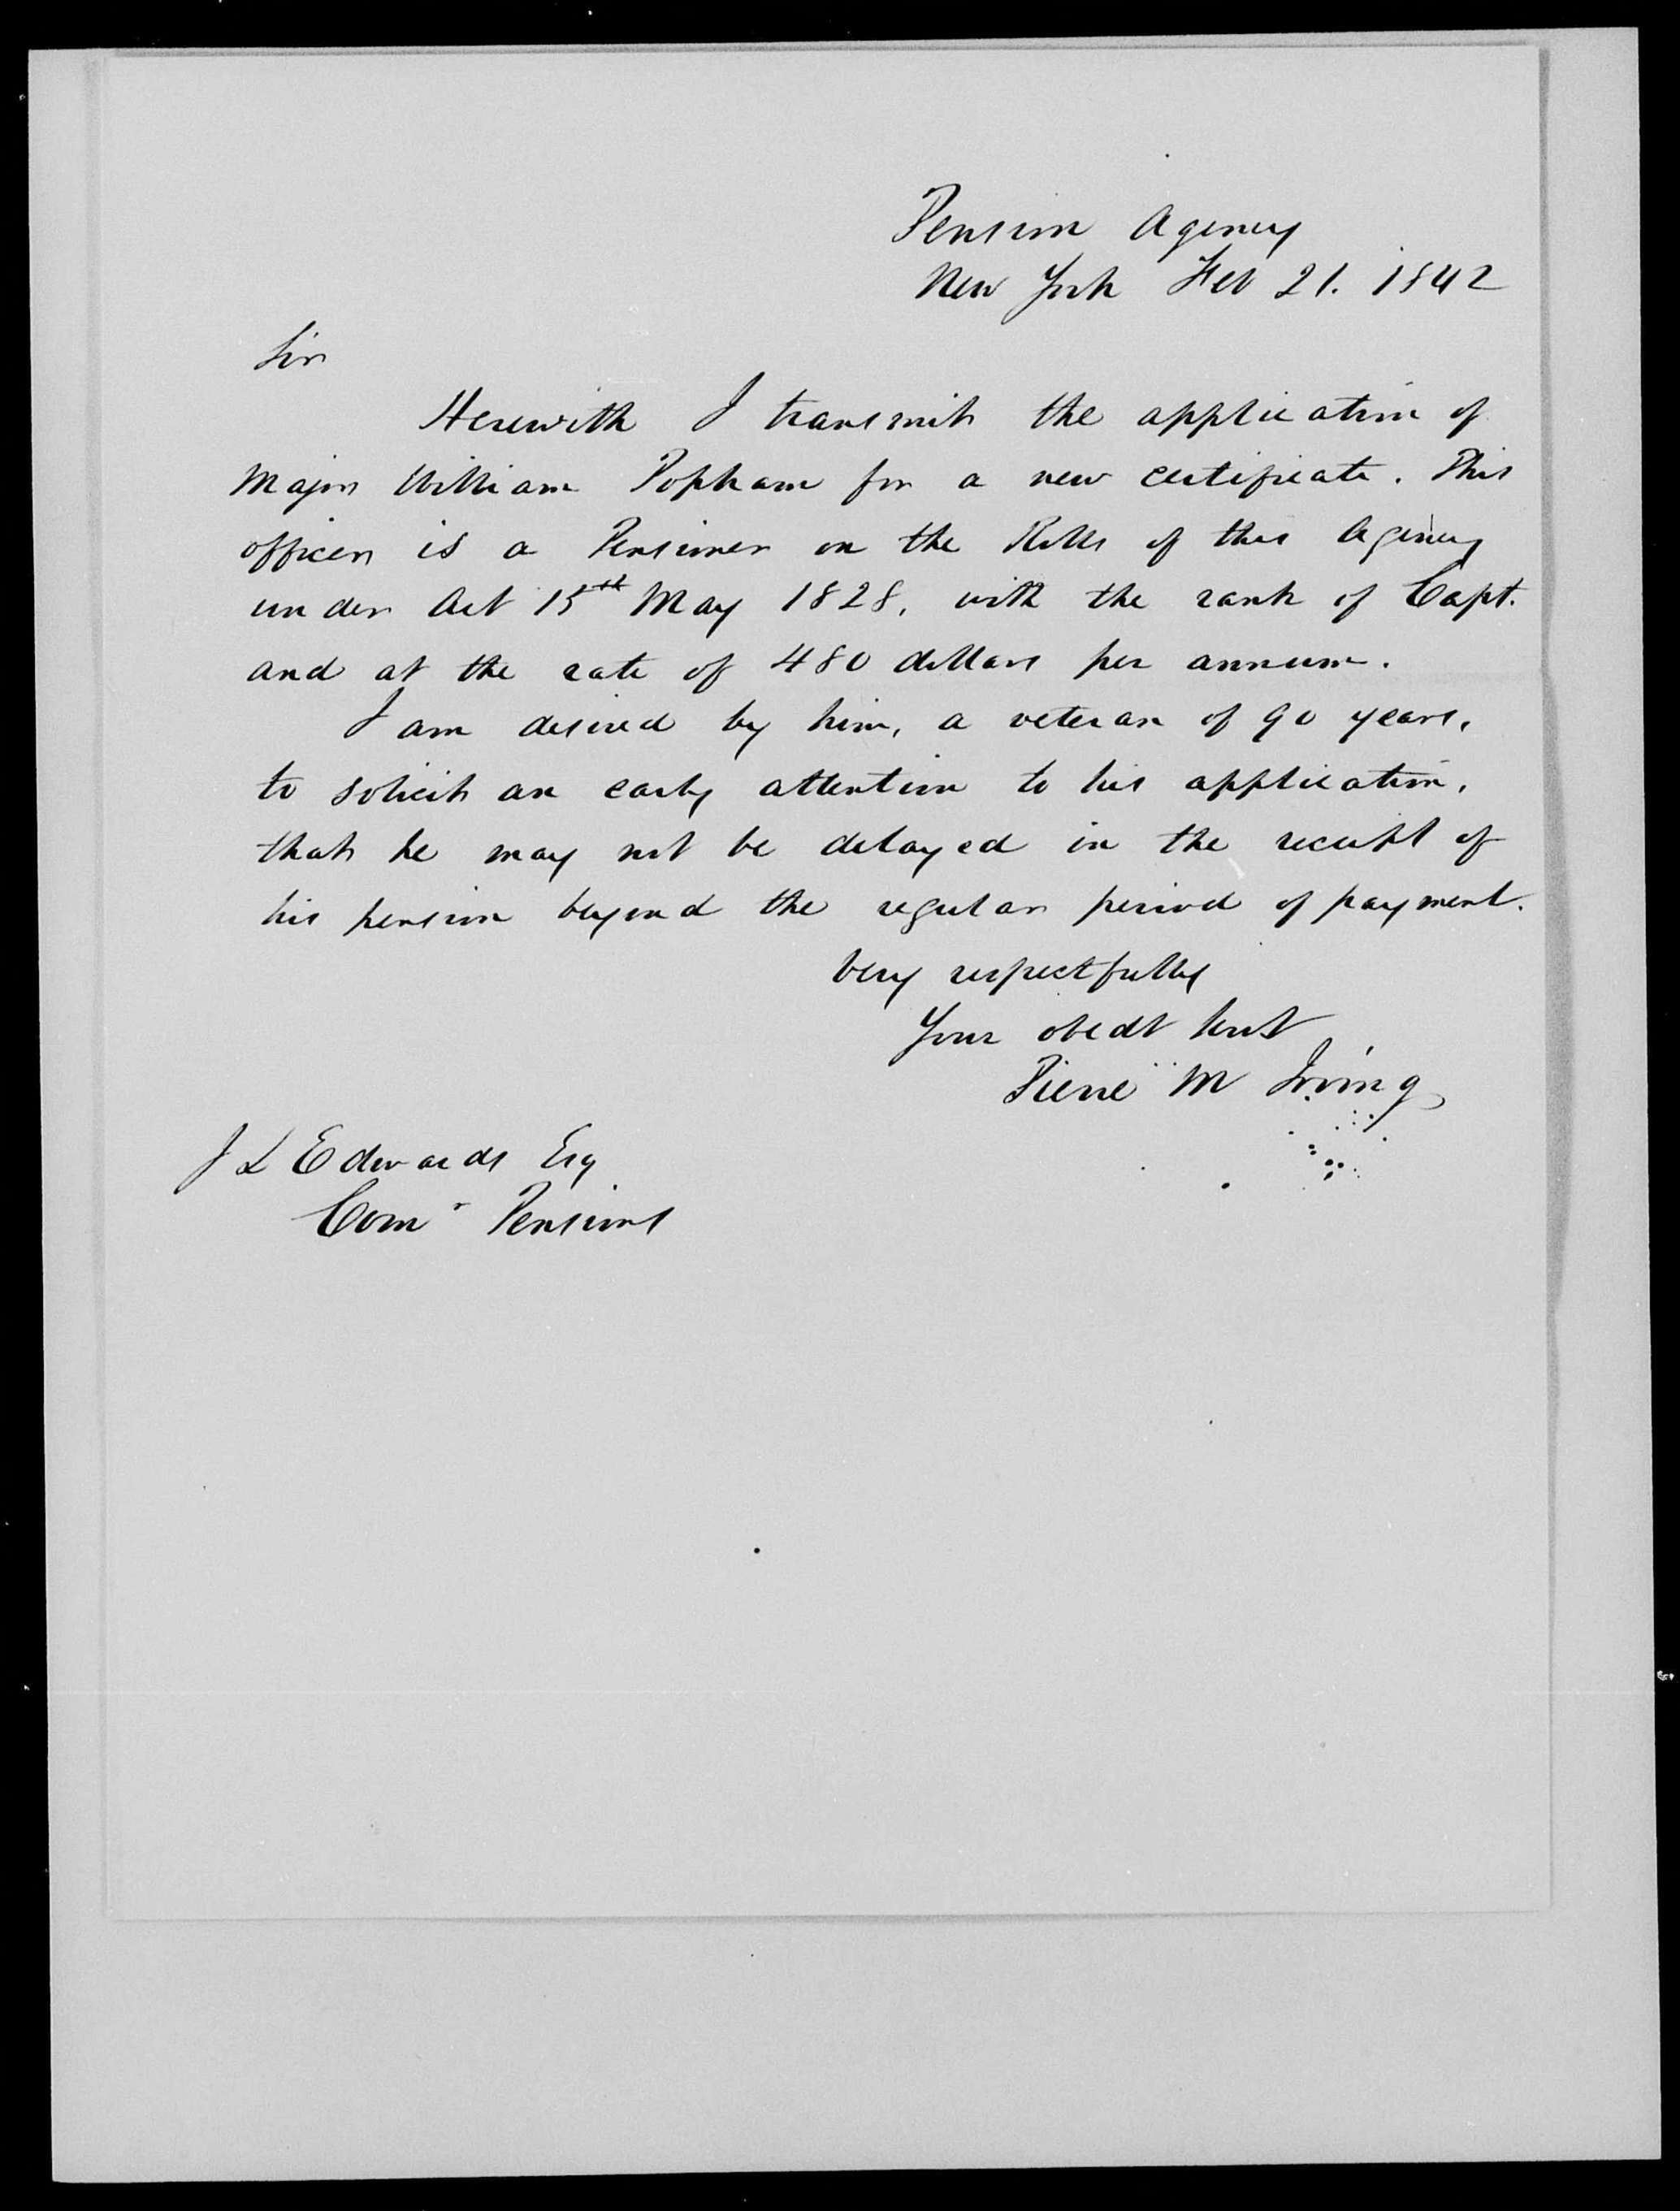Pension Agency
New York Feb 21. 1842
Sir
Herewith I transmit the application of
Major William Popham for a new certificate. This
officer is a Pensioner on the Rolls of this Agency
under act 15th May 1828, with the rank of Capt.
and at the rate of 480 dollars per annum
I am desired by him, a veteran of 90
years, to solicit an early attention to his application,
that he may not be delayed in the receipt of
his pension beyond the regular period of payment.
Very respectfully
Your obedt Srvt
Pierce M Irving
J L Edwards Esq
Com ^of Pensions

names: William Popham; J L Edwards; Pierce M Irving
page: 29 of 75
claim: survivor's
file: S. 9989, for William Popham, Delaware